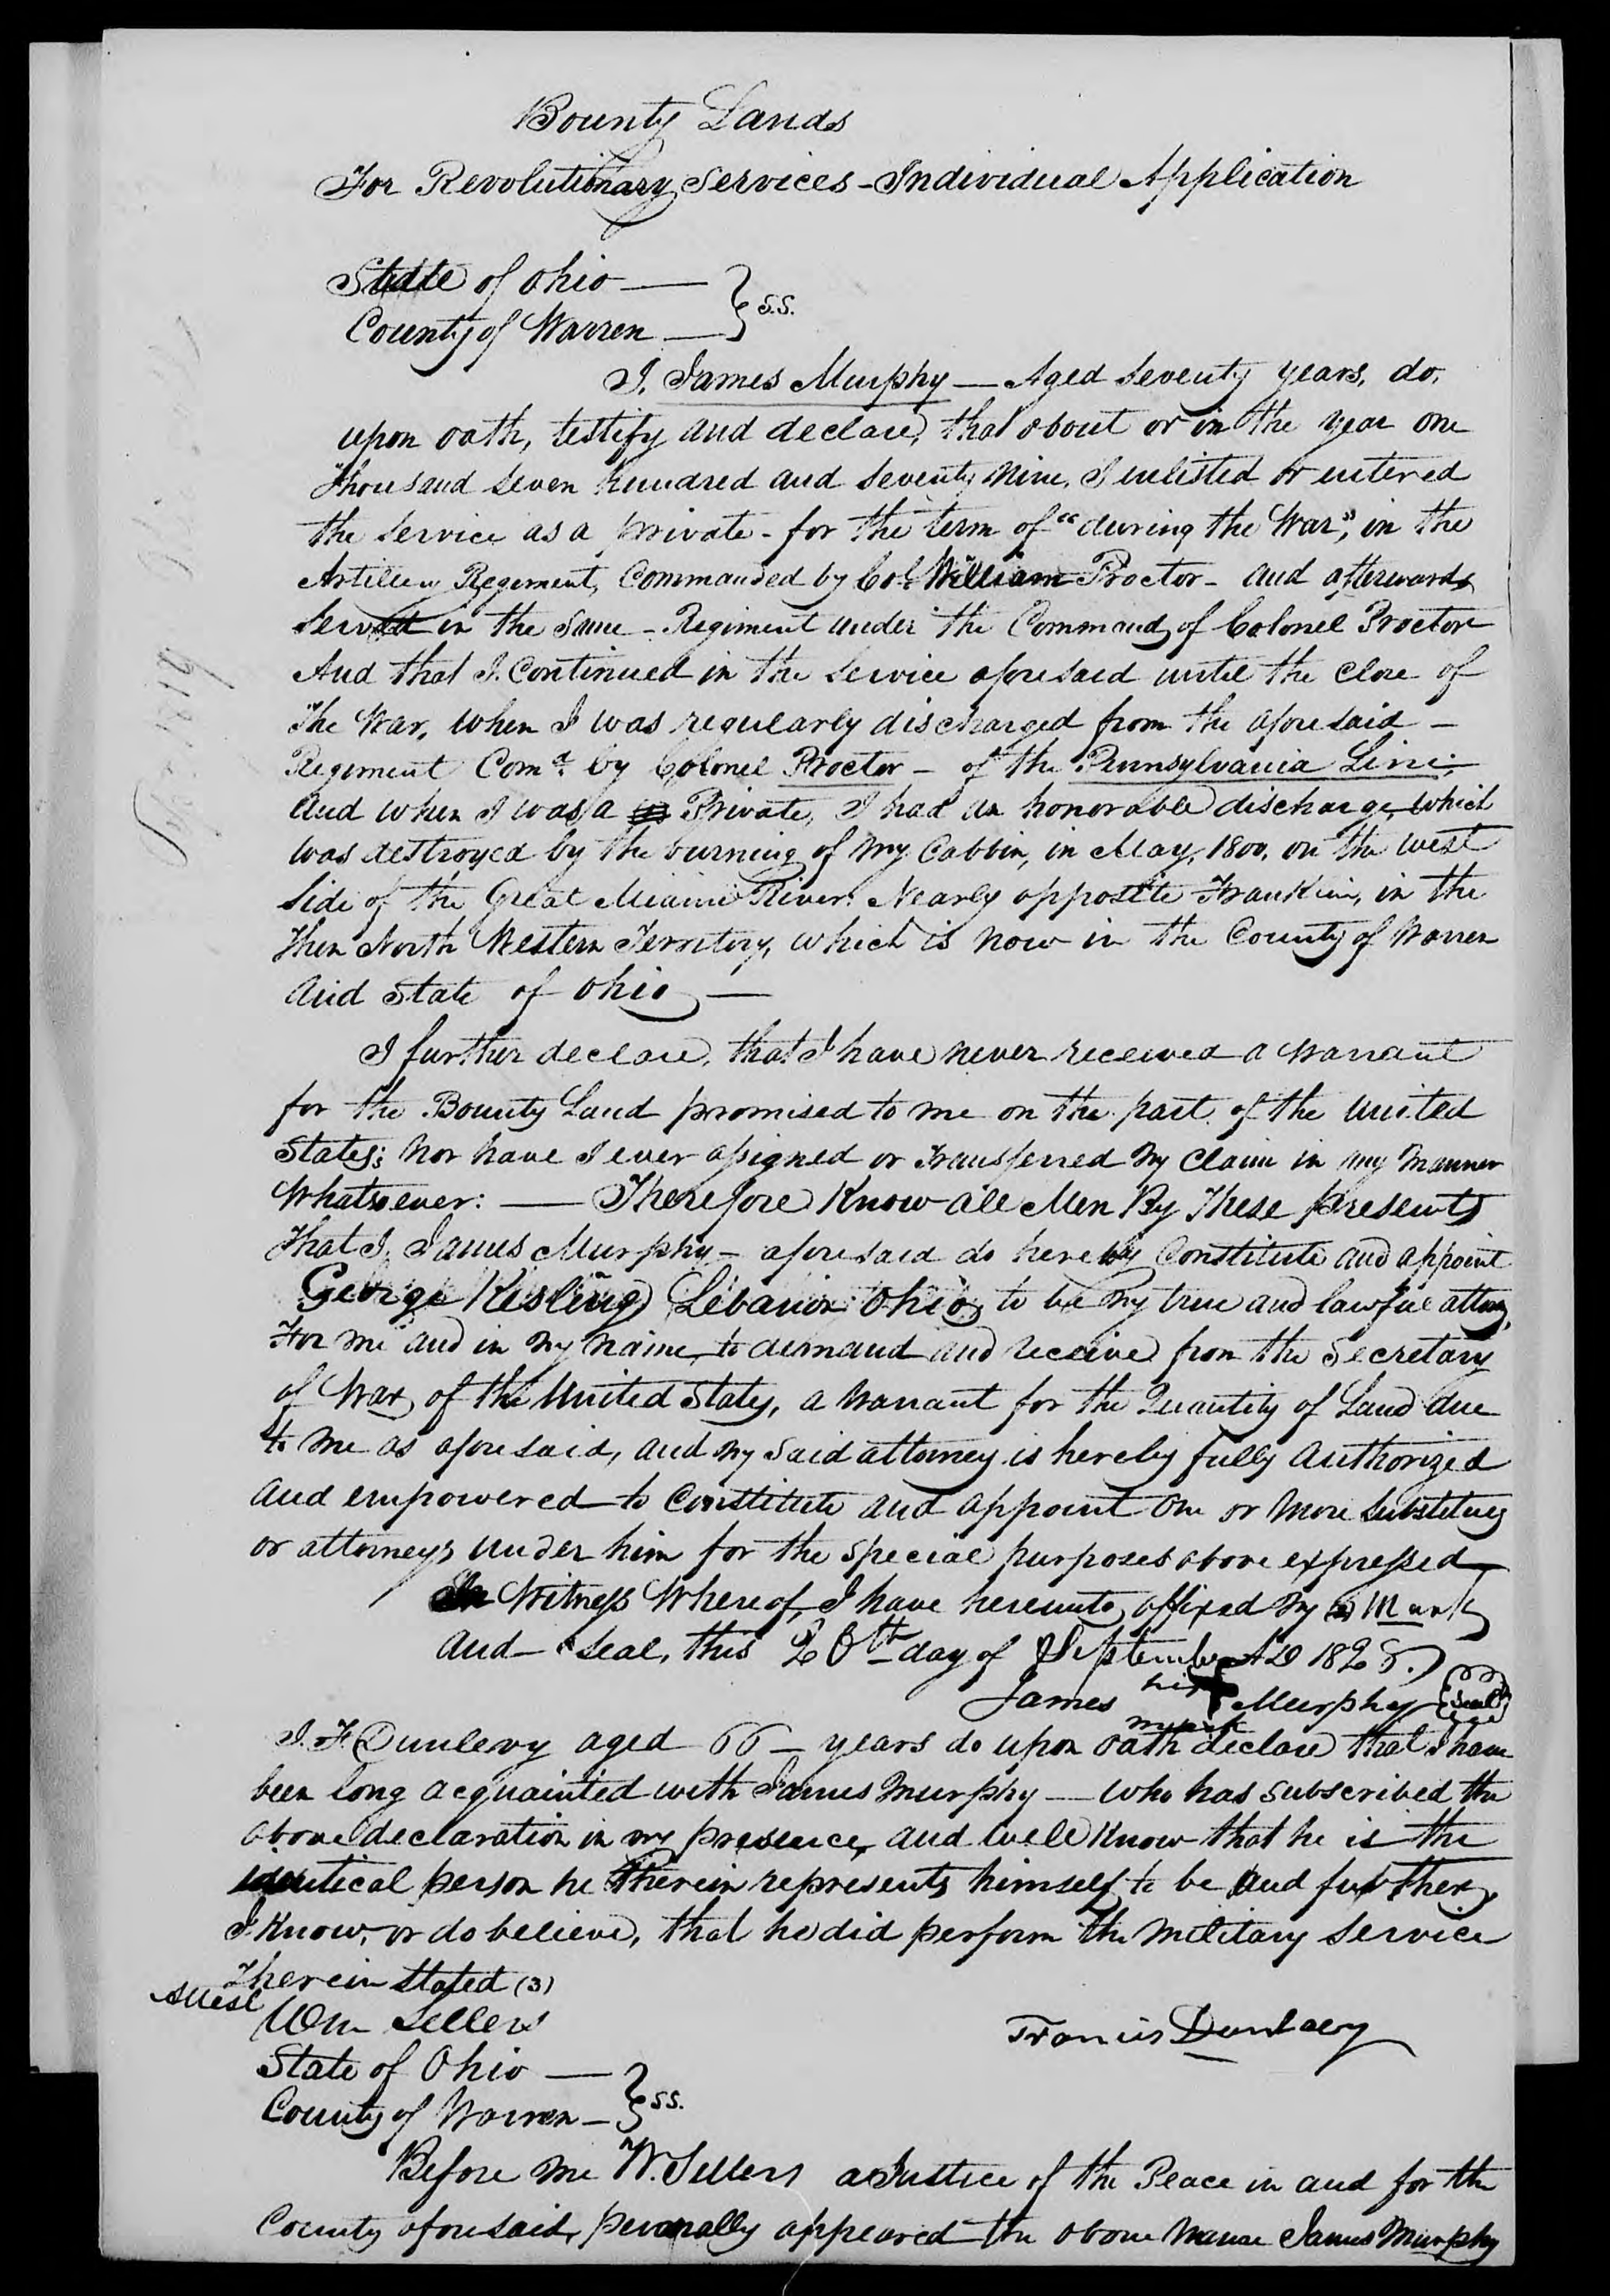Bounty Lands
for Revolutionary services. Individual application

State of Ohio
County of Warren  SS

I, James Murphy Aged Seventy years, do,
upon oath, testify and declare that about or in the year one
Thousand seven hundred and Seventy nine, I enlisted or entered
the service as a private, for the term of "during the war", in the
Artillery Regiment, commanded by Col William Proctor, and afterwards
served in the same Regiment under the command of Colonel Proctor
And that I continued in the service aforesaid until the close of
The War, when I was regularly discharged from the aforesaid -
Regiment Come by Colonel Proctor - of the Pennsylvania Line
and when I was a Private, I had an honorable discharge, which
was destroyed by the burning of my cabbin, in May, 1800, on the west
side of the Great Miami River. Nearly opposite Frankin, in the
Then North Western Territory, which is now in the County of Warren
and State of Ohio -

I further declare, that I have never received a warrant
for the Bounty Land promised to me on the part of the United 
States; nor have I ever assigned or transferred my claim in any manner
Whatsoever:- Therefore Know all Men By These presents
That I, James Murphy, aforesaid do hereby constitute and appoint
George Kesling, Lebanon Ohio to be my true and lawful attorney
for me and in my name to demand and receive from the Secretary
of War of the United States, a Warrant for the Quantity of Land due
to me as aforesaid, and my said attorney is hereby fully authorized
and empowered to constitute and appoint one or more substitues
or attorneys under him for the special purposes above expressed
Witness Whereof, I have hereunto affixed by Mark
and seal, this 20th day of September AD 1828
James Murphy  X his mark


I. F. Dunlevy aged 66 years do upon oath declare that I have
been long acquainted with James Murphy who has subscribed the
above declaration in my presence, and well know that he is the
identical person he therein represents himself to be and further
I know, & do believe, that he did perform the military service
herein Stated (3)
Francis Dunlevy /s/
Attest
Wm Sellers


State of Ohio
County of Warren     SS
Before me W. Tiller a Justice of the Peace in and for the
County aforesaid personally appeared the above named James Murphy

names: William Proctor; Francis Dunlavy; Wm Sellers; George Kesling; James Murphy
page: 39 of 57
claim: widow's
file: W. 25,739, for James Murphey, Pennsylvania